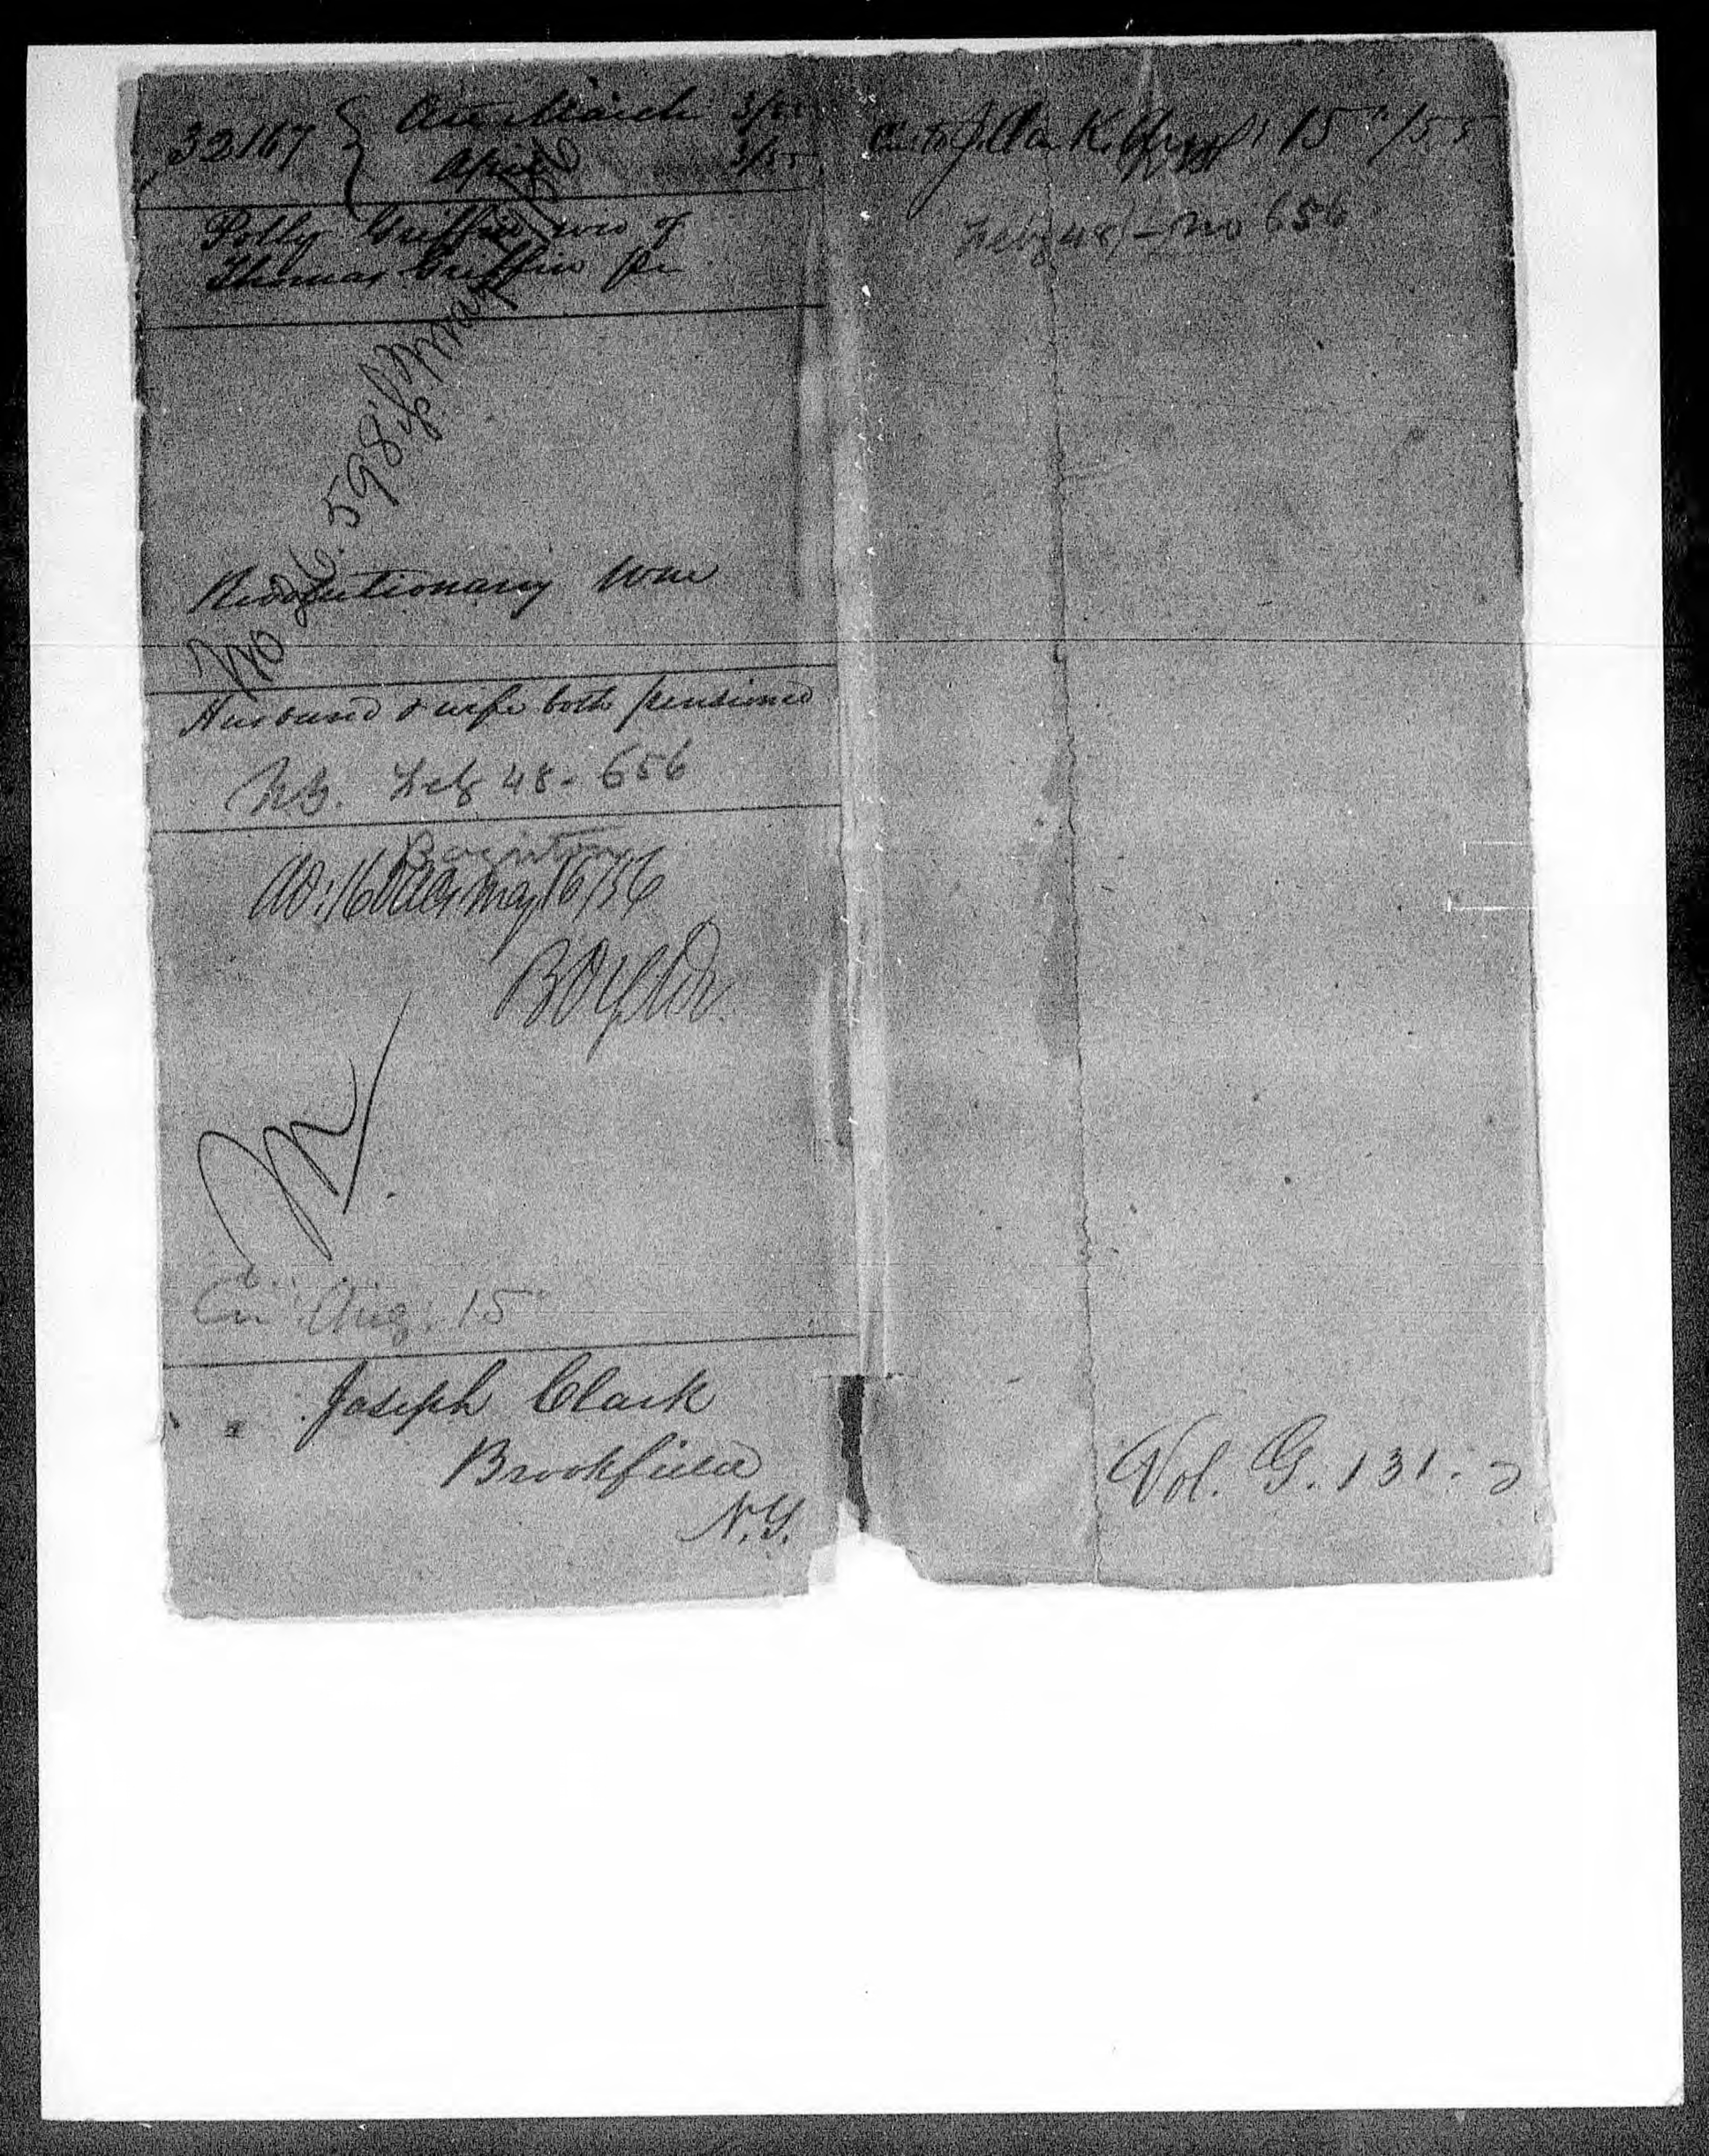32167
Act March 3/55
April 3/55
Polly Griffin wid of
Thomas Griffin pri
Revolutionary War
Husband & wife both pensioned
WB. Feb 48 - 656
Boynton
AO: 160 [illegible] May 16 / 56
Boynton
M
Cn. Aug. 15
Joseph Clark
Brookfield N.Y.

No 26.598 iss May 19 / 55

Hist. To J. Clark Aug 15” / 55
Feby 48 — no 656
Vol. G. 131 d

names: Boyld, J Clark, Thomas Griffin, Wm Hubbard, Polly Griffin, Joseph Clark, Boynton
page: 3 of 60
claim: widow's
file: W. 19,537, Thomas Griffin, Conn.